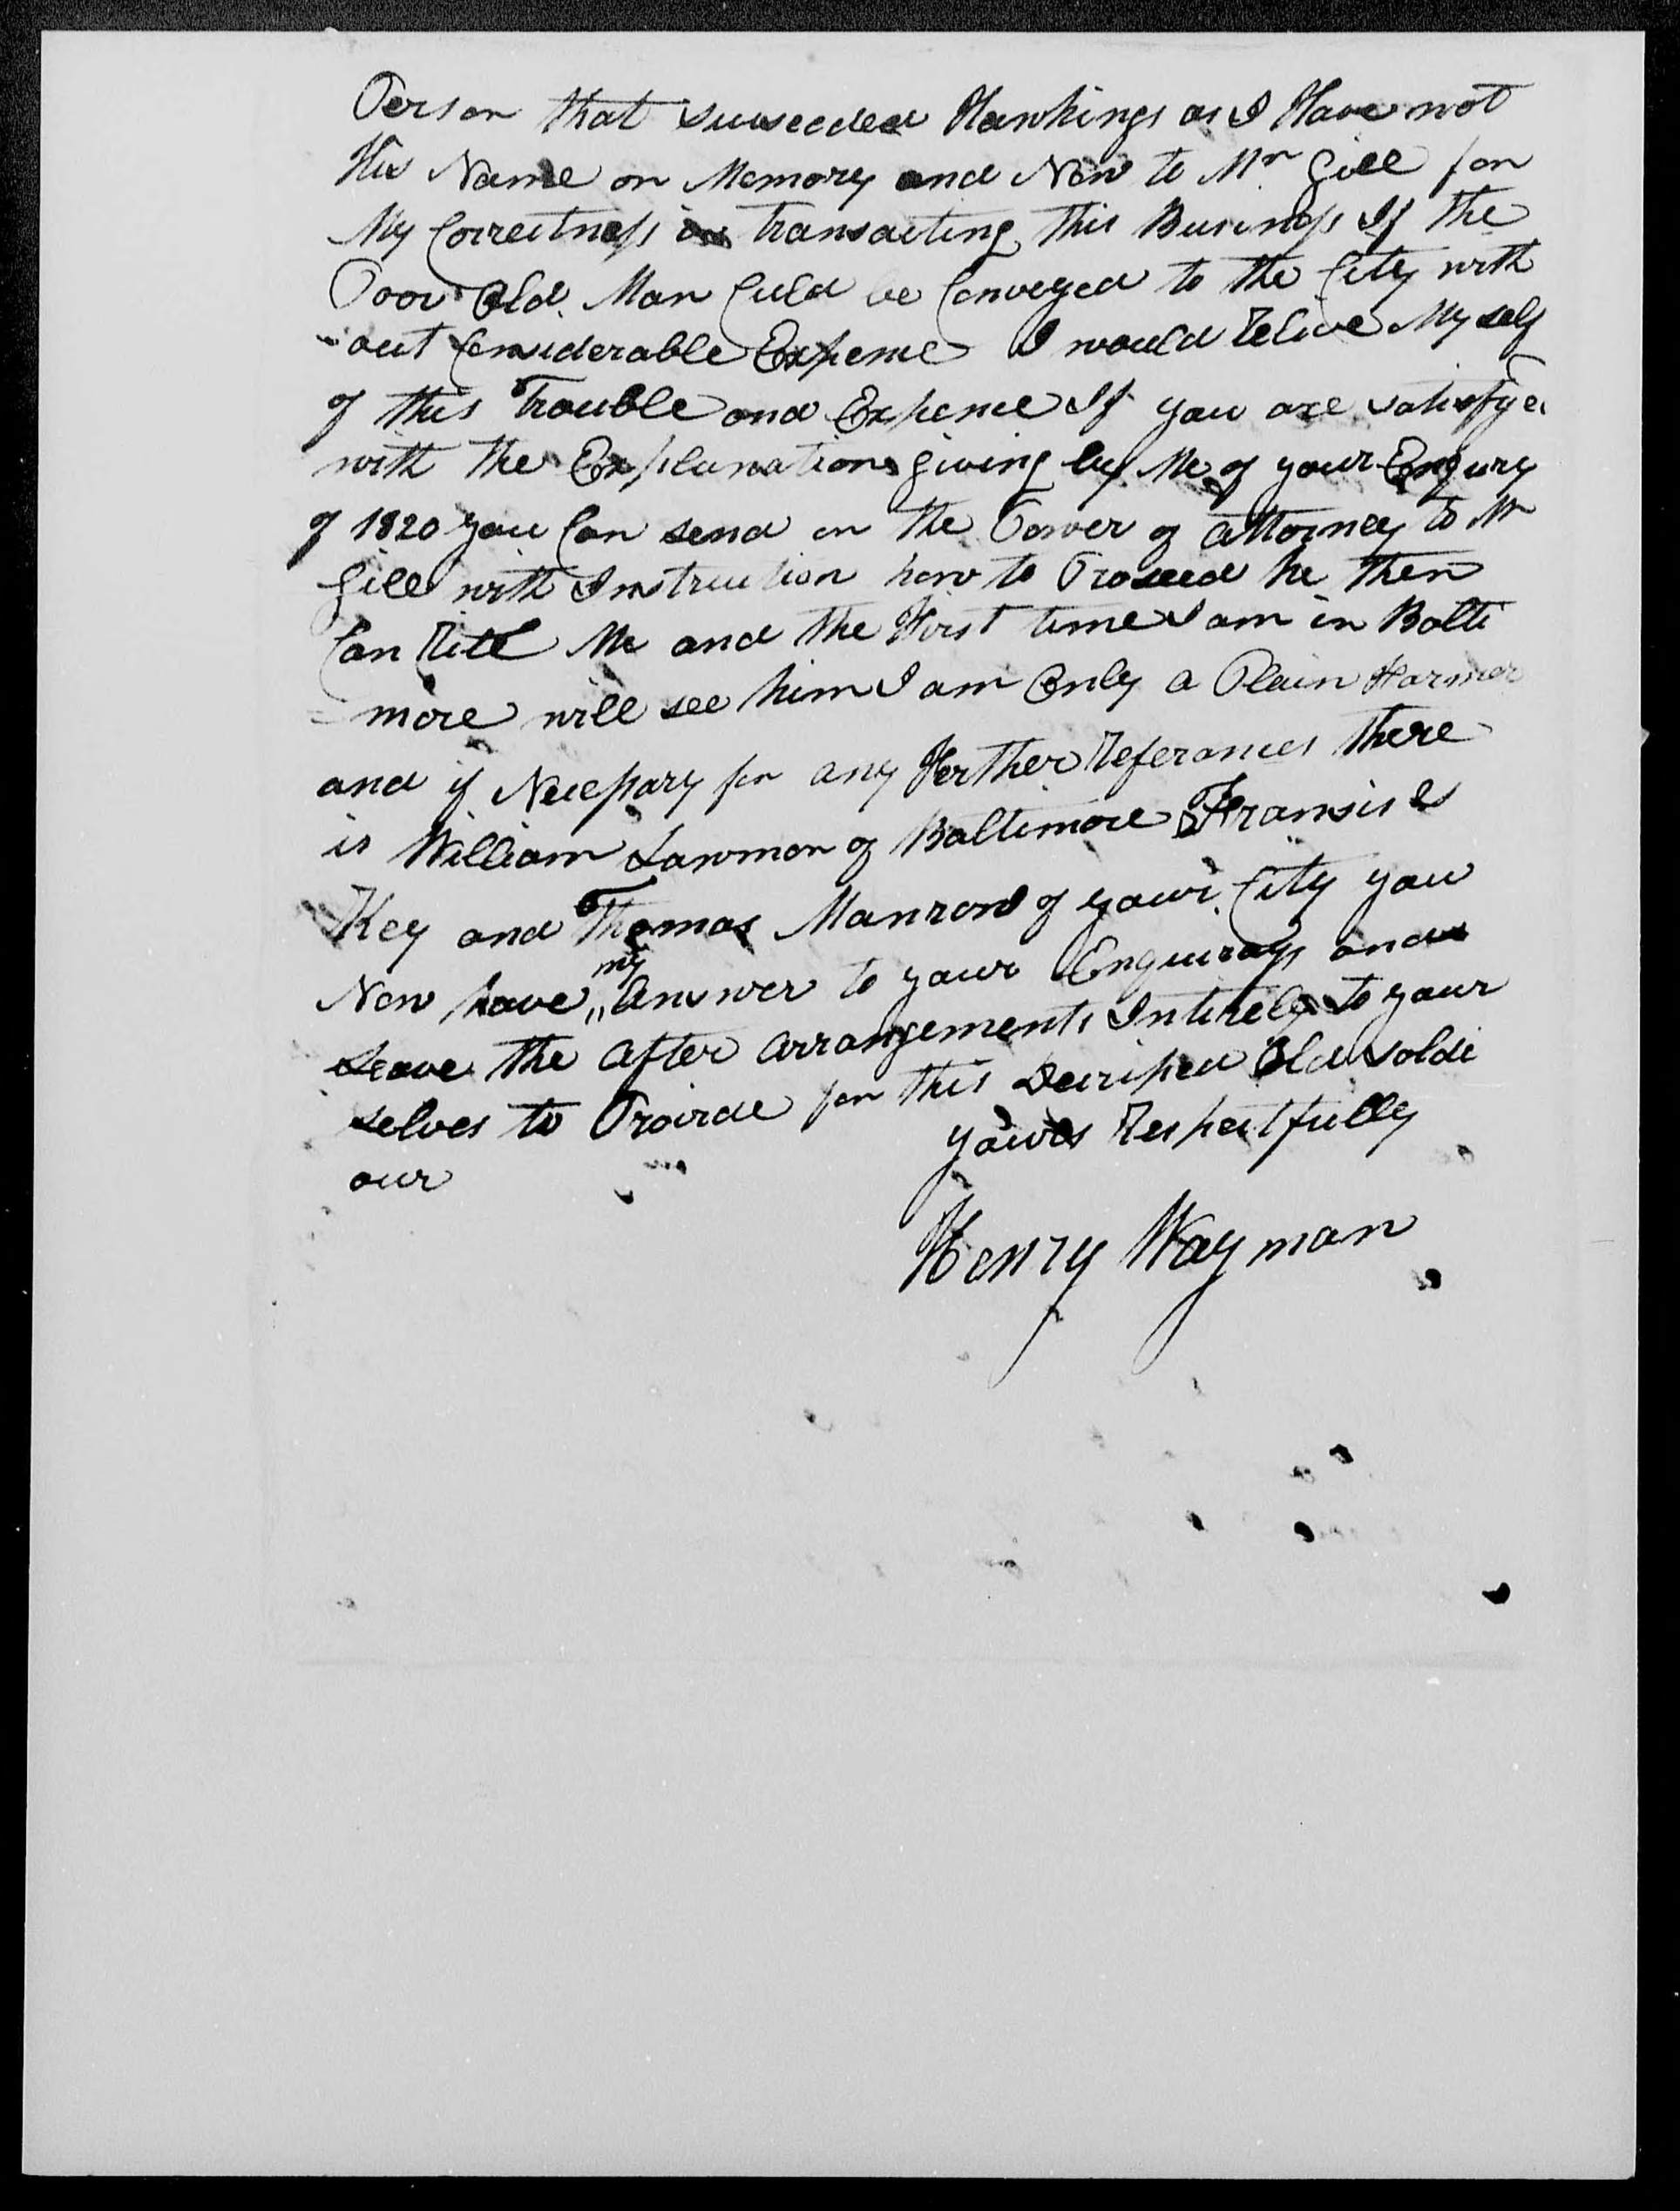person that succeeded Hawkings and have not his name on memory and now to Mr Gill for my correctness transacting this business, if the poor old man could be conveyed to the city without considerable extreme, I would relieve myself of this trouble and expense. If you are satisfied with the explanations given by me of your inquiry of 1820 you can send on the power of attorney to Mr. Gill with instruction here to proceed he then can write me and the first time I am in Baltimore will see him I am only a plain farmer and if necessary for any further references there is William Lawmon of Baltimore, Francis Key and Thomas Manrod of your city. You know have my answer to your inquiry and sever the after arrangement in *** yourselves to provide for this decrepit old soldier.

Yours respectfully

Henry Wayman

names: William Lawmer, Thomas Manrord, Gill, Henry Wayman, Fransisco Key, Mcmory, Gill, Hawkings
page: 23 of 30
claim: survivor's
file: S. 10093, James Blewer, Md.